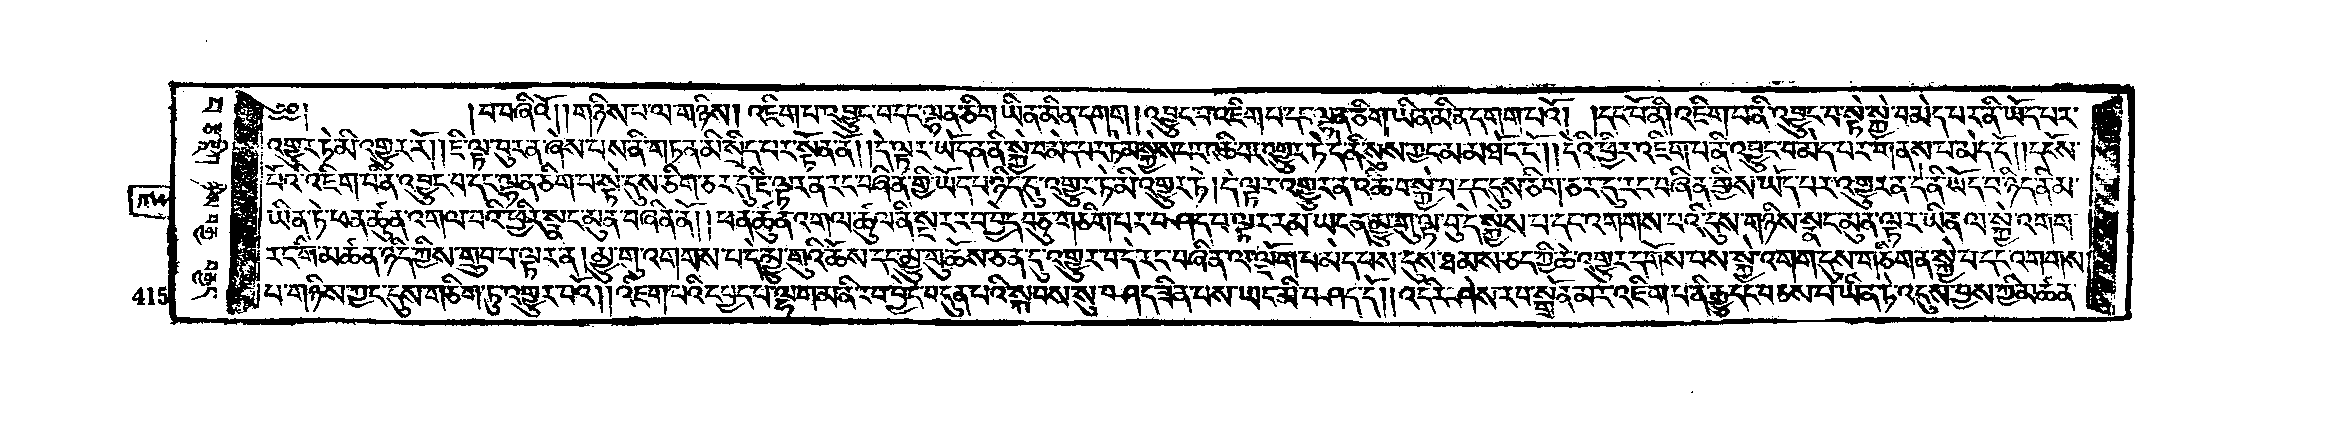༄༅། །བ་བཞིའོ། །གཉིས་པ་ལ་གཉིས། འཇིག་པ་འབྱུང་བ་དང་ལྷན་ཅིག་ཡིན་མིན་དགག། འབྱུང་བ་འཇིག་པ་དང་ལྷན་ཅིག་ཡིན་མིན་དགག་པའོ། །དང་པོ་ནི། འཇིག་པ་ནི་འབྱུང་བ་སྟེ་སྐྱེ་བ་མེད་པར་ནི་ཡོད་པར་
འགྱུར་ཏེ་མི་འགྱུར་རོ། །ཇི་ལྟ་བུར་ན་ཞེས་པས་ནི་གཏན་མི་སྲིད་པར་སྟོན་ནོ། །དེ་ལྟར་ཡོད་ན་ནི་སྐྱེ་བ་མེད་པར་ཏེ་མ་སྐྱེས་པར་འཆི་བར་འགྱུར་ཏེ་དེ་ནི་སུས་ཀྱང་མ་མཐོང་ངོ། །དེའི་ཕྱིར་འཇིག་པ་ནི་འབྱུང་བ་མེད་པར་གནས་པ་མེད་དོ། །དངོས་
པོའི་འཇིག་པ་ནི་འབྱུང་བ་དང་ལྷན་ཅིག་པ་སྟེ་དུས་ཅིག་ཅར་དུ་ཇི་ལྟར་ན་རང་བཞིན་གྱི་ཡོད་པ་ཉིད་དུ་འགྱུར་ཏེ་མི་འགྱུར་ཏེ། དེ་ལྟར་འགྱུར་ན་འཆི་བ་སྐྱེ་བ་དང་དུས་ཅིག་ཅར་དུ་རང་བཞིན་གྱིས་ཡོད་པར་འགྱུར་ན་དེ་ནི་ཡོད་པ་ཉིད་ནི་མ་
ཡིན་ཏེ་ཕན་ཚུན་འགལ་བའི་ཕྱིར་སྣང་མུན་བཞིན་ནོ། །ཕན་ཚུན་འགལ་ཚུལ་ནི་སྔར་རབ་བྱེད་བཅུ་གཅིག་པར་བཤད་པ་ལྟར་རམ་ཡང་ན་མྱུ་གུ་ལྟ་བུ་ད་སྐྱེས་པ་དང་འགགས་པའི་དུས་གཉིས་སྣང་མུན་ལྟར་ཡིན་ལ་སྐྱེ་འགག་
རང་གི་མཚན་ཉིད་ཀྱིས་གྲུབ་པ་ལྟར་ན། མྱུ་གུ་འགགས་པ་དེ་མྱུ་གུའི་ཆོས་དང་མྱུ་གུ་ཆོས་ཅན་དུ་འགྱུར་བ་དེ་རང་བཞིན་ལ་ལྡོག་པ་མེད་པས་དུས་ཐམས་ཅད་ཀྱི་ཆེ་འགྱུར་དགོས་པས་སྐྱེ་འགག་དུས་གཅིག་ན་སྐྱེ་བ་དང་འགགས་
པ་གཉིས་ཀྱང་དུས་གཅིག་ཏུ་འགྱུར་བའོ། །འཇིག་པའི་དཔྱད་པ་ལྷག་མ་ནི་རབ་བྱེད་བདུན་པའི་སྐབས་སུ་བཤད་ཟིན་པས་ཡང་མི་བཤད་དོ། །འདིར་ཤེས་རབ་སྒྲོན་མར་འཇིག་པ་ནི་རྒྱུ་དང་བཅས་པ་ཡིན་ཏེ་འདུས་བྱས་ཀྱི་མཚན་